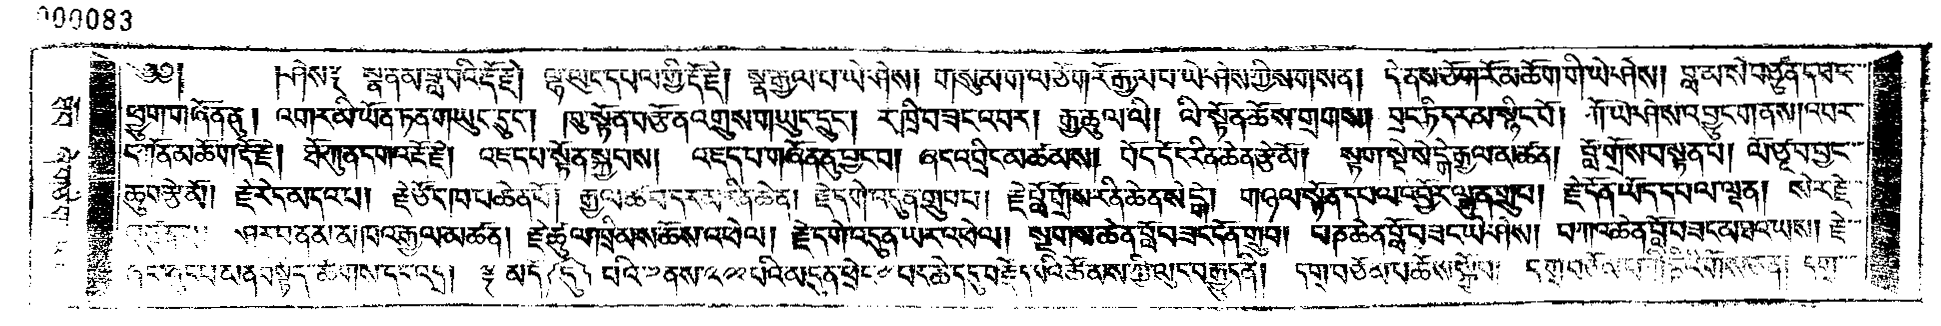༄༅། །ཤེས༑ སྣ་ནམ་ཟླ་བའི་རྡོ་རྗེ། ལྷ་ལུང་དཔལ་གྱི་རྡོ་རྗེ། སྣ་རྒྱལ་པ་ཡེ་ཤེས། གསུམ་ག་ལ་ཅོག་རོ་རྒྱལ་པ་ཡེ་ཤེས་ཀྱིས་གསན། དེ་ནས་ཅོག་རོ་མཆོག་གི་ཡེ་ཤེས། བླ་མ་སེ་བཙུན་དབང་
ཕྱུག་གཞོན་ནུ། འགར་མི་ཡོན་ཏན་གཡུང་དྲུང་། ཁུ་སྟོན་བརྩོན་འགྲུས་གཡུང་དྲུང་། ར་ཁྲི་བཟང་འབར། རྒྱ་ཆུལ་ལི། ལི་སྟོན་ཆོས་གྲགས། བྲང་ཏི་དར་མ་སྙིང་པོ། ཀོ་ཡེ་ཤེས་འབྱུང་གནས་།འབར་
དཀོན་མཆོག་རྡོ་རྗེ། ཐོ་ཀུན་དགའ་རྡོ་རྗེ། འཇད་པ་སྟོན་སྐྱབས། འཇད་པ་གཞོན་ནུ་བྱང་བ། ཞང་འབྲིང་མཚམས། བོད་དོང་རིན་ཆེན་རྩེ་མོ། སྟག་སྡེ་སེངྒེ་རྒྱལ་མཚན། བློ་གྲོས་བསྟན་པ། ལོ་ཙཱ་བ་བྱང་
ཆུབ་རྩེ་མོ། རྗེ་རེད་མདའ་པ། རྗེ་ཙོང་ཁ་པ་ཆེན་པོ། རྒྱལ་ཚབ་དར་མ་རིན་ཆེན། རྗེ་དགེ་འདུན་གྲུབ་པ། རྗེ་བློ་གྲོས་རིན་ཆེན་སེངྒེ། གཉལ་སྟོན་དཔལ་འབྱོར་ལྷུན་གྲུབ། རྗེ་དོན་ཡོད་དཔལ་ལྡན། སེ་ར་རྗེ་
བཙུན་པ། ཤར་བ་ནམ་མཁའ་རྒྱལ་མཚན། རྗེ་ཚུལ་ཁྲིམས་ཆོས་འཕེལ། རྗེ་དགེ་འདུན་ཡར་འཕེལ། སྔགས་ཆེན་བློ་བཟང་དོན་གྲུབ། པཎ་ཆེན་བློ་བཟང་ཡེ་ཤེས། བཀའ་ཆེན་བློ་བཟང་མཐའ་ཡས། རྗེ་
ཞང་ཞུང་བ་མན་བསྟོད་ཚོགས་དང་འདྲ། ༈ མདོ ༼དུ༽ བའི ༡་ནས ༢༣་པའི་མདུན་ཕྲེང ༧་བར་ཆེད་དུ་བརྗོད་པའི་ཚོམས་ཀྱི་ལུང་བརྒྱུད་ནི། དགྲ་བཅོམ་པ་ཆོས་སྐྱོབ། དགྲ་བཅོམ་པ་ཀིརྞིའི་གོས་ཅན། དགྲ་